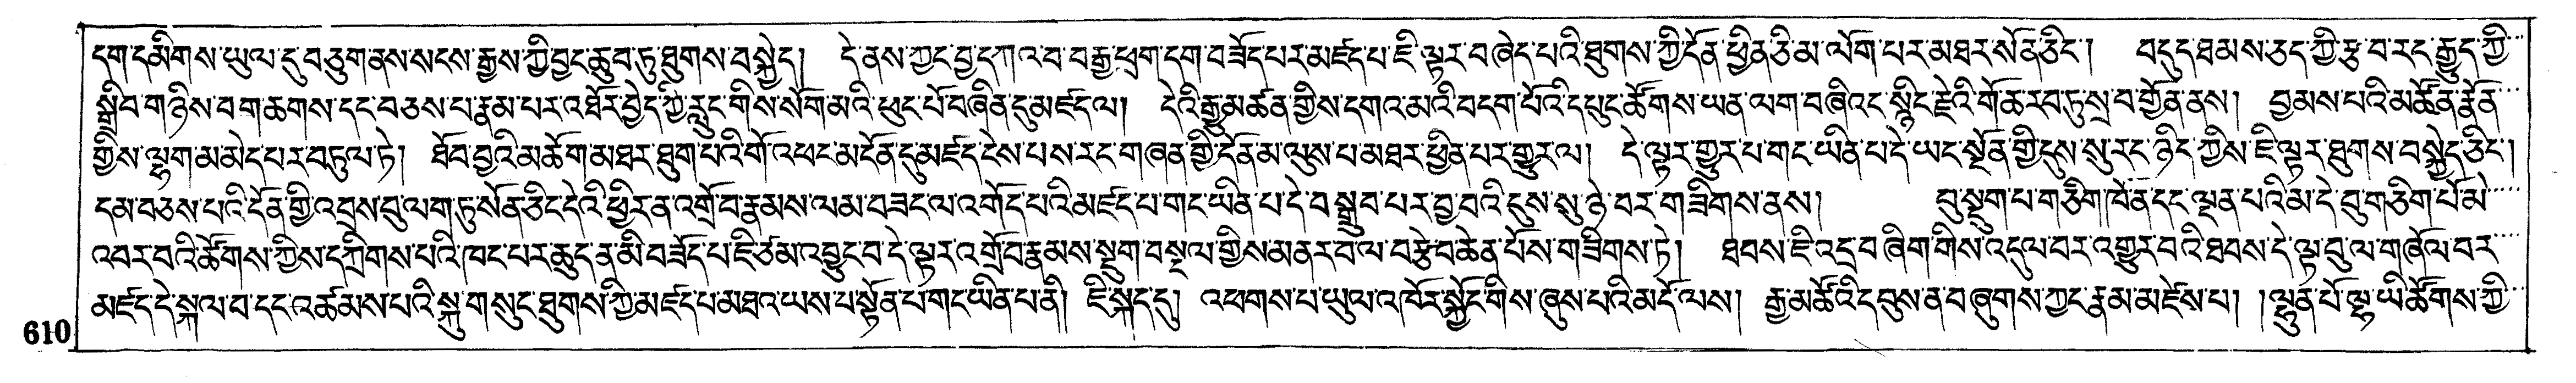དག་དམིགས་ཡུལ་དུ་བཅུ་གནས་སངས་རྒྱས་ཀྱི་བྱང་ཆུབ་ཏུ་ཐུགས་བསྐྱེད། དེ་ནས་ཀྱང་བྱ་དཀའ་བ་བརྒྱ་ཕྲག་དག་བཟོད་བར་མཛད་དེ་ཇི་ལྟར་བཞེད་པའི་ཐུགས་ཀྱི་དོན་ཕྱིན་ཅི་མ་ལོག་བར་མཐར་སོན་ཅིང་། བདུད་ཐམས་ཅད་ཀྱི་རྩ་བ་རང་རྒྱུད་ཀྱི་
སྒྲིབ་གཉིས་བག་ཆགས་དང་བཅས་པ་རྣམ་པར་འཐོར་བྱེད་ཀྱི་རླུང་གིས་སོག་མའི་ཕུང་པོ་བཞིན་དུ་མཛད་ལ། དེའི་རྒྱུ་མཚན་གྱིས་དགའ་མའི་བདག་པོའི་དབུང་ཚོགས་ཡན་ལག་བཞིའང་སྙིང་རྗེའི་གོ་ཆ་རབ་ཏུ་སྲ་བགྱོན་ནས། བྱམས་པའི་མཚོན་རྣོན་
གྱིས་ལྷག་མ་མེད་པར་བཏུལ་ཏེ། ཐོབ་བྱའི་མཆོག་མཐར་ཐུག་པའི་གོ་འཕང་མངོན་དུ་མཛད་ངེས་པས་རང་གཞན་གྱི་དོན་མ་ལུས་བ་མཐར་ཕྱིན་པར་གྱུར་ལ། དེ་ལྟར་གྱུར་པ་གང་ཡིན་པ་དེ་ཡང་སྔོན་གྱི་དུས་སུ་རང་ཉིད་ཀྱིས་ཇི་ལྟར་ཐུགས་བསྐྱེད་ཅིང་།
དམ་བཅས་པའི་དོན་གྱི་འབྲས་བུ་ལག་ཏུ་སོན་ཅིང་དེའི་ཕྱིར་ན་འགྲོ་བ་རྣམས་ལ་མ་བཟང་ལ་འགོད་པའི་མཛད་པ་གང་ཡིན་པ་དེ་བསྒྲུབ་པར་བྱ་བའི་དུས་སུ་ཉེ་བར་གཟིགས་ནས། བུ་སྡུག་པ་གཅིག་ཁོན་དང་ལྡན་པའི་མ་དེ་བུ་གཅིག་པོ་མ་
འབར་བའི་ཚོགས་ཀྱིས་དཀྲིགས་པའི་ཁང་པར་ཚུད་ན་མི་བཟོད་པ་ཇི་ཙམ་འབྱུང་བ་དེ་ལྟར་འགྲོ་བ་རྣམས་སྡུག་བསྔལ་གྱིས་མནར་བ་ལ་བརྩེ་བ་ཆེན་པོས་གཟིགས་ཏེ། ཐབས་ཇི་འདྲ་བ་ཞིག་གིས་འདུལ་པར་འགྱུར་པའི་ཐབས་དེ་ལྟ་བུ་ལ་གཞོལ་པར་
མཛད་དེ་སྐལ་པ་དང་འཚམས་པའི་སྐུ་གསུང་ཐུགས་ཀྱི་མཛད་པ་མཐའ་ཡས་པ་སྟོན་པ་གང་ཡིན་པ་ནི། ཇི་སྐད་དུ། །འཕགས་པ་ཡུལ་འཁོར་སྐྱོང་གིས་ཞུས་པའི་མདོ་ལས། རྒྱ་མཚོའི་དབུས་ན་བཞུགས་ཀྱང་རྣམ་མཛེས་པ། །ལྷུན་པོ་ལྷ་ཡི་ཚོགས་ཀྱི་